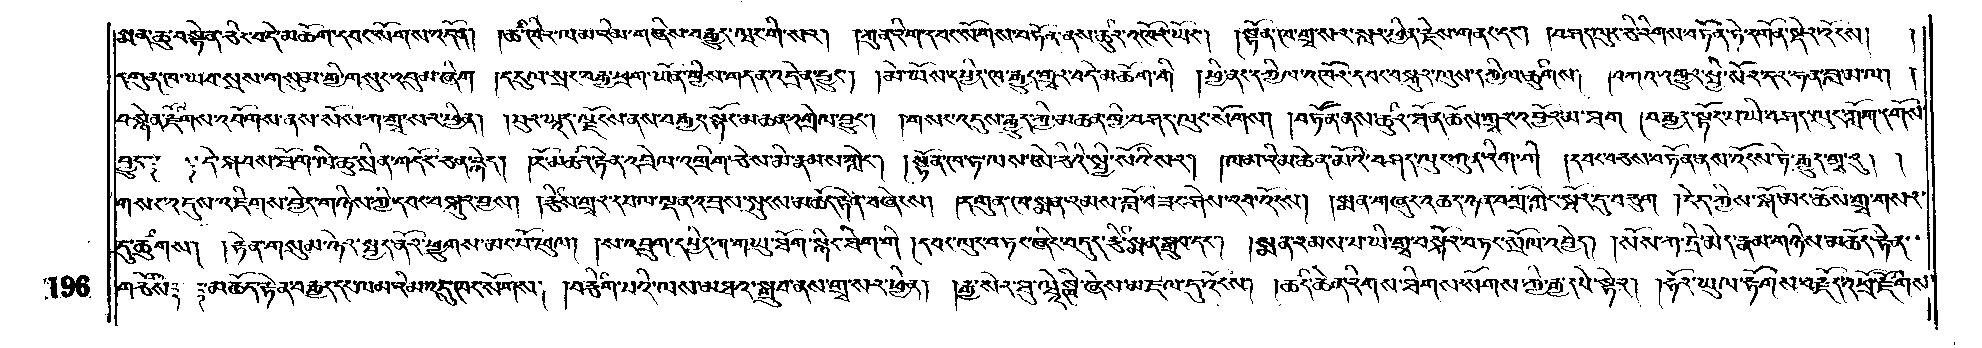སྨན་ཆུ་བསྟེན་ཅིང་བདེ་མཆོག་དབང་སོགས་འདོན། །ཚ་ཁིར་ལམ་རིམ་བཞིས་བརྒྱུད་ཝང་གི་སར། །ཀུན་རིག་དབང་སོགས་བཏོན་ནས་ཚུར་འཁོར་ཡོང་། །སྟོན་ཁ་གྲྭ་སར་སླར་ཕྱིན་རྗེས་གནང་དང་། །བཤད་ལུང་ཅི་རིགས་བཏོན་ཏེ་དགོན་སྡེར་འོངས། །
དགུན་ཁ་ཡབ་སྲས་གསུམ་གྱི་གསུང་འབུམ་ཞིག །དངུལ་སྲང་བརྒྱ་ཕྲག་ཡོན་གྱིས་གདན་འདྲེན་བྱུང་། །མེ་ཡོས་དཔྱིད་ཁ་རྒྱུད་གྲྭར་བདེ་མཆོག་གི །ཕྱི་ནང་དཀྱིལ་འཁོར་དབང་བསྐུར་ལུས་དཀྱིལ་ཚུགས། །བཀའ་འགྱུར་སྤྱི་སོར་དར་ཧན་བླ་མ་ལ། །
བསྙེན་རྫོགས་འབོགས་ནས་སོས་ཀ་གྲྭ་སར་ཕྱིན། །པུར་ཡཱད་ལྗོངས་ནས་བརྒྱད་སྟོང་མཆན་འགྲེལ་བྱུང་། །གསང་འདུས་རྒྱུད་ཀྱི་མཆན་གྱི་བཤད་ལུང་སོགས། །བཏོན་ནས་ཚུར་ཐོན་ཆོས་གྲྭར་འབྱོར་མ་ཐག །བརྒྱད་སྟོང་པ་ཡི་བཤད་ལུང་ཀློག་དགོས་
བྱུང༑ ༑དེ་སྐབས་ཐོག་ལི་ཆུ་སྲིན་གདོང་ཅན་རྙེད། །ངོ་མཚར་རྟེན་འབྲེལ་འགྲིག་ཅེས་མི་རྣམས་གླེང་། །སྟོན་ཁ་ཏ་ལས་ཨེ་ཅིའི་སྤྱི་སོའི་སར། །ལམ་རིམ་ཆེན་མོའི་བཤད་ལུང་ཀུན་རིག་གི །དབང་བཅས་བཏོན་ནས་འོངས་ཏེ་རྒྱུད་གྲྭ་རུ། །
གསང་འདུས་འཇིགས་བྱེད་གཉིས་ཀྱི་དབང་བསྐུར་བྱས། །རྩིས་གྲྭར་དཔལ་ལྡན་འབྲས་སྤུངས་མཆོད་རྟེན་བཞེངས། །དགུན་ཁ་སྨན་རམས་བློ་བཟང་ཤེས་རབ་འོངས། །སྨན་གཞུང་འཆད་ཉན་བགྲོ་གླེང་སྦོར་དུ་བཅུག །དེད་ཀྱིས་སྒོ་མང་ཆོས་གྲྭ་གསར་
དུ་ཚུགས། །རྟེན་གསུམ་ཉེར་སྤྱད་ནོར་ཕྱུགས་མང་པོ་ཕུལ། །ས་རྰྦྲུག་དཔྱིད་ཀ་གཡུ་ཐོག་སྙིང་ཐིག་གི །དབང་ཁུང་བཏང་ཞིང་བདུད་རྩི་སྨན་སྒྲུབ་དང་། །སྨན་རམས་པ་ཡི་གྲྭ་བསྐོར་བཏང་སྲོལ་འབྱེད། །སོས་ཀ་དྲི་མེད་རྣམ་གཉིས་མཆོད་རྟེན་
གཙོས༑ ༑མཆོད་རྟེན་བརྒྱད་དང་ལམ་རིམ་འདུ་ཁང་སོགས༑ །བརྩིག་པའི་ལས་མཐའ་སྒྲུབ་ནས་གྲྭ་སར་ཕྱིན། །རྒྱ་སེར་ཐུ་ལཝE་སྑི་ཞེས་མཇལ་དུ་འོངས། །ཚད་ཆེན་རིགས་ཐིགས་སོགས་ཀྱི་རྒྱ་དཔེ་སྟེར། །ཧོར་ཡུལ་རྟོགས་བརྗོད་འཕྲོ་རྫོགས་